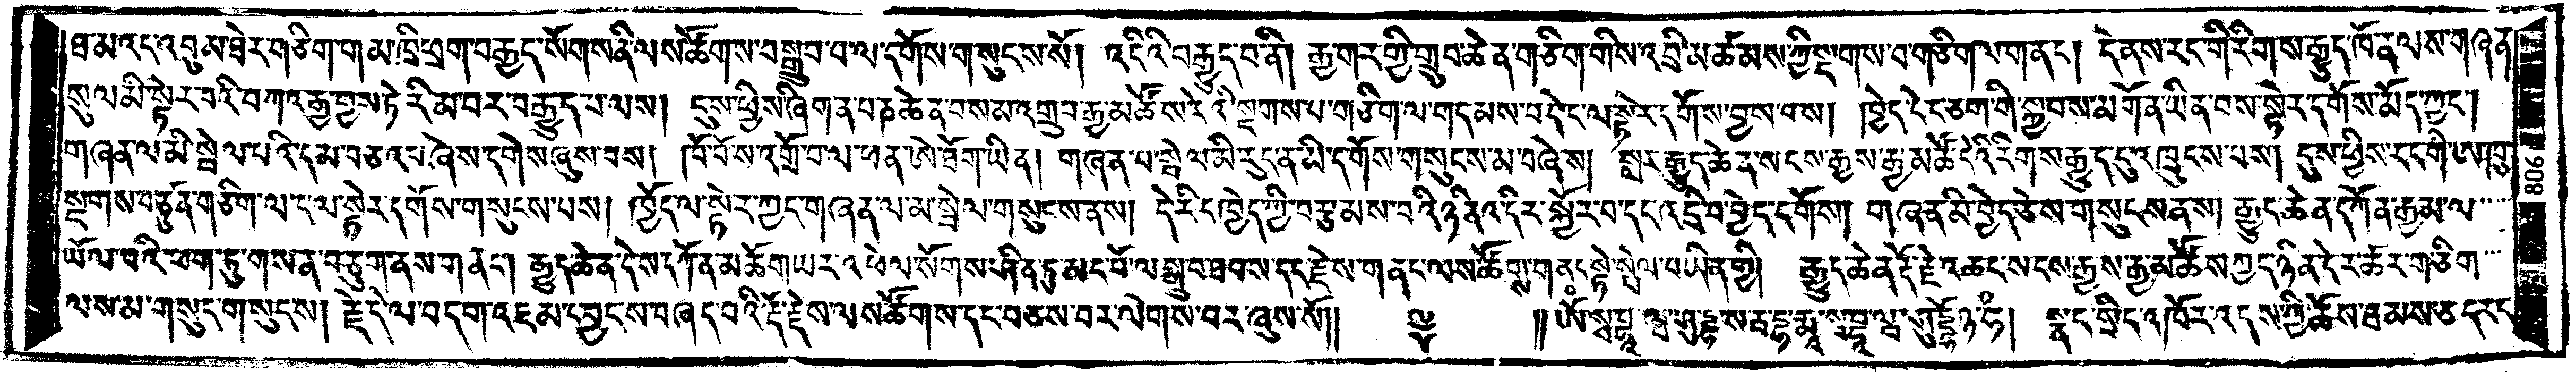ཐམ་འདའ་བུམ་ཐེར་གཅིག་གམ་ཁྲི་ཕྲག་བརྒྱད་སོགས་ནི་ལས་ཚོགས་བསྒྲུབ་པ་ལ་དགོས་གསུངས་སོ། འདིའི་བརྒྱུད་བ་ནི། རྒྱ་གར་གྱི་གྲུབ་ཆེན་གཅིག་གིས་འབྲི་མཚམས་ཀྱི་སྔགས་བ་གཅིག་ལ་གནང་། དེ་ནས་རང་གི་རིགས་རྒྱུད་ཁོ་ན་ལས་གཞན་
སུ་ལ་མི་སྟེར་བའི་བཀའ་རྒྱ་བྱས་ཏེ་རིམ་པར་བརྒྱུད་པ་ལས། དུས་ཕྱིས་ཞིག་ན་པཎ་ཆེན་བསམ་འགྲུབ་རྒྱ་མཚོས་དེའི་སྔགས་པ་གཅིག་ལ་གདམས་པ་དེར་ལ་སྟེར་དགོས་བྱས་པས། ཁྱེད་ངེད་ཅག་གི་སྐྱབས་མགོན་ཡིན་བས་སྟེར་དགོས་མོད་ཀྱང་།
གཞན་ལ་མི་སྦེལ་པའི་དམ་བཅའ་པ་ཞེས་དགེས་ཞུས་བས། ཁོ་བོས་འགྲོ་བ་ལ་ཕན་ཨེ་ཐོག་ཡིན། གཞན་ལ་སྦེལ་མི་རུང་ན་མི་དགོས་གསུངས་མ་བཞེས། སླར་རྒྱུད་ཆེན་སངས་རྒྱས་རྒྱ་མཚོ་དེའི་རིགས་རྒྱུད་དུ་འཁྲུངས་པས། དུས་ཕྱིས་རང་གི་ཨ་ཁུ་
སྔགས་བཙུན་གཅིག་ལ་པལ་སྟེར་དགོས་གསུངས་པས། ཁྱོད་ལ་སྟེར་ཀྱང་གཞན་ལ་མ་སྦེལ་གསུངས་ནས། དེ་རིང་ཁྱེད་ཀྱི་བརྩམས་བའི་ཉིན་འདིར་སྐྱོར་བ་དང་འདྲི་བ་བྱེད་དགོས། གཞན་མི་བྱེད་ཅེས་གསུངས་ནས། རྒྱུད་ཆེན་དཀོན་རྒྱམ་ལ་
ཡོལ་བའི་ཕག་ཏུ་གསན་བཅས་ནས་གནང་། རྒྱུད་ཆེན་དེས་དཀོན་མཆོག་ཡར་འཕེལ་སོགས་ཤིན་ཏུ་མང་པོ་ལ་སྒྲུབ་ཐབས་དང་རྗེས་གནང་ལས་ཚོགས་གནང་སྟེ་སྤེལ་པ་ཡིན་གྱི། རྒྱུད་ཆེན་རྡོ་རྗེ་འཆང་སངས་རྒྱས་རྒྱ་མ་ཚོས་ཀྱང་ཉིན་དེར་ཚན་གཅིག་
ལས་མ་གསུང་གསུངས། རྗེ་དེ་ལ་བདག་འཇམ་དབྱངས་བཞད་བའི་རྡོ་རྗེས་ལས་ཚོགས་དང་བཅས་བར་ལེགས་བར་ཞུས་སོ།། ༈ །། ཨོཾ་སྲ་བྷཱ་ཝ་གུ་དྡྷ་སརྦ་དྷ་རྨཱ་སྭ་བྷཱ་ཝ་ཤུ་དྡྷོ་ཉ་ཧཾ། སྣད་སྲིད་འཁོར་འདས་ཀྱི་ཆོས་ཐམས་ཅད་རང་